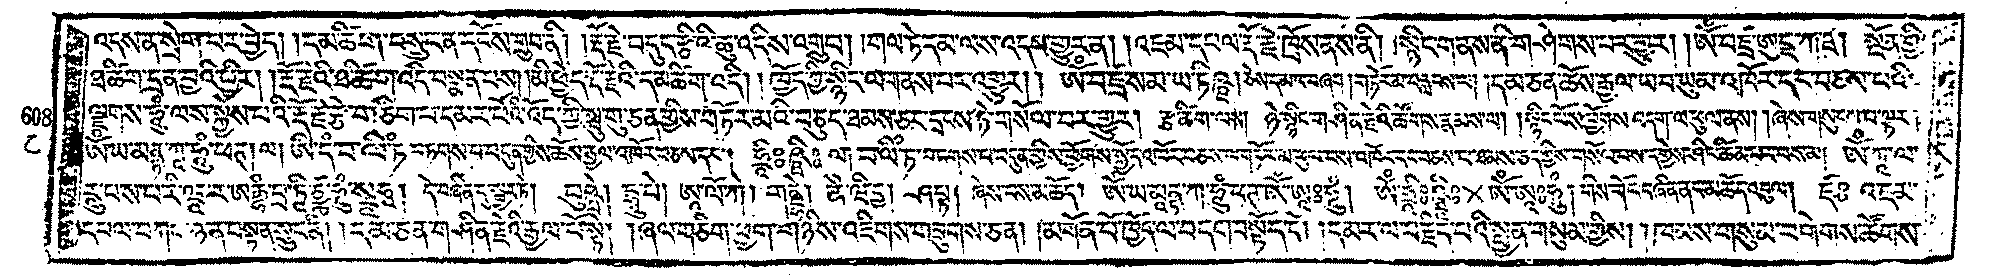འདས་ན་སྲེག་པར་བྱེད། །དམ་ཚིག་བསྲུང་ན་དངོས་གྲུབ་ནི། །རྡོ་རྗེ་བདུད་རྩིའི་ཆུ་འདིས་འགྲུབ། །གལ་ཏེ་དམ་ལས་འདས་གྱུར་ན། །འཇམ་དཔལ་རྡོ་རྗེ་ཁྲོས་ནས་ནི། །སྙིང་གནས་ནི་གཤེགས་པར་གྱུར། །ཨོཾ་བཛྲ་ཨུདྡ་ཀ་ཐ། སྔོན་གྱི་
ཐ་ཚིག་དྲན་བྱའི་ཕྱིར། །རྡོ་རྗེའི་ཐ་ཚིག་འདི་བསྣན་པས། །མི་ཕྱེད་རྡོ་རྗེའི་དམ་ཚིག་འདི། །ཁྱོད་ཀྱི་སྙིང་ལ་གནས་པར་འགྱུར། །ཨོཾ་བཛྲ་ས་མ་ཡ་ཏི་ཥྠ། ཅེས་དམ་ལ་བཞག །གཏོར་མ་བརླབས་ལ།  །དམ་ཅན་ཆོས་རྒྱལ་ཡབ་ཡུམ་འཁོར་དང་བཅས་པའི་
ལྗགས་ཧཱུཾ་ལས་སྐྱེས་པའི་རྡོ་རྗེ་རྩེ་གཅིག་པ་དམར་པོའི་འོད་ཀྱི་སྤུ་གུ་ཅན་གྱིས་གཏོར་མའི་བཅུད་ཐམས་ཅད་དྲངས་ཏེ་གསོལ་བར་གྱུར། རྩ་ཚིག་ལས། ཉེ་སྙིང་གཤིན་རྗེའི་ཚོགས་རྣམས་ལ། །སྙིང་པོས་ཕྱོགས་བདག་ལ་ཕུལ་ནས། །ཞེས་གསུངས་པ་ལྟར།
ཨོཾ་ཡ་མནྟ་ཀཱ་ཧཱུཾ་ཕཊ། ལ།  ཨི་དཾ་བ་ལིཾ་ཏ་བཏགས་པ་བདུན་གྱིས་ཆོས་རྒྱལ་འཁོར་བཅས་དང་།  ཧྲཱིཿཥཊཿཨིཿ ལ།  བ་ལིཾ་ཏ་བཏགས་པ་བདུན་གྱིས་ཕྱོགས་སྐྱོད་འཁོར་བཅས་ལ་གཏོར་མ་ཕུལ་བས་འཁོར་དང་བཅས་པ་ཐམས་ཅད་ཀྱིས་གསོལ་བས་དགྱེས་ཤིང་ཚིམ་པར་བསམ།  ཨོཾ་ཀཱ་ལ་
རཱུ་པ་ས་པ་རི་ཝཱ་ར་ཨརྒྷཾ་པྲ་ཏཱི་ཙྪ་ཧཱུཾ་སྭཱཧཱ། དེ་བཞིན་དུ་སྦྱར་ཏེ།  པུཥཔཝ། དྷཱུ་པེ། ཨཱ་ལོ་ཀེ། གནྡྷེ། ནཻ་ཝིདྱ། ཤཔྟ། ཞེས་པས་མཆོད།  ཨོཾ་ཡ་མཱནྟ་ཀ་ཧཱུཾ་ཕཊ་ཨོཾ་ཨཱཿཧཱུཾ། ཨོཾ་ཧྲཱིཿཥྚྲཱིཿ ྾་ཨོཾ་ཨཱཿཧཱུཾ། གིས་གོང་བཞིན་ནང་མཆོད་འབུལ།  ཛཿ འཇམ་
དཔལ་བཀའ་ཉན་བསྟན་སྲུང་ནི། །དམ་ཅན་གཤིན་རྗེའི་རྒྱལ་པོ་སྟེ། །ཞལ་གཅིག་ཕྱག་གཉིས་འཇིགས་གཟུགས་ཅན། །མགོན་པོ་ཁྱོད་ལ་བདག་བསྟོད་དོ། །དམར་ལ་བརྗིད་པའི་སྤྱན་གསུམ་གྱིས། །ཁམས་གསུམ་བགེགས་ཚོགས་